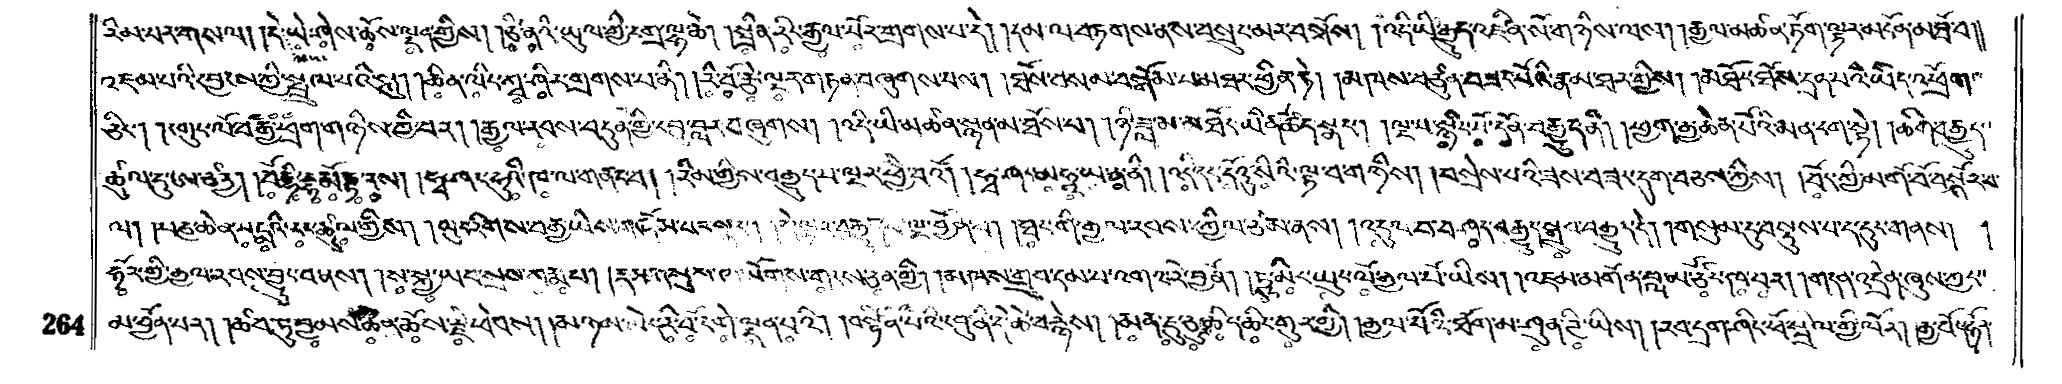རིམ་པར་གསལ། །དེ་ལས་ཡེ་ཤེས་ཆོས་ལྡན་གྱིས། །ཙི་ནའི་ཡུལ་གྱི་དགྲ་ལྷ་ཆེ། །སྤྲིན་རིང་རྒྱལ་པོར་གྲགས་པ་དེ། །དམ་ལ་བཏགས་ནས་བསྲུང་མར་བསྐོས། །འདི་ཡི་རྒྱུད་འཛིན་སོ་གཉིས་ལས། །རྒྱལ་མཚན་ཏོག་ལྟར་མངོན་མཐོ་བ། །
འཇམ་པའི་དབྱངས་ཀྱི་སྤྲུལ་བའི་སྐུ། །ཆིན་ལིང་ཀྭ་ཤིར་གྲགས་པ་ནི། །རི་བོ་རྩེ་ལྔར་གཏན་བཞུགས་པས། །ཐོས་བསམ་བསྒོམ་པ་མཐར་ཕྱིན་ཏེ། །མཁས་བཙུན་བཟང་པོའི་རྣམ་ཐར་གྱིས། །མཐོར་ཐོས་དྲན་པའི་ཡིད་འཕྲོག་
ཅིང་། །དགུང་ལོ་བརྒྱ་ཕྲག་གཉིས་ཀྱི་བར། །རྒྱལ་རབས་བདུན་གྱི་དབུ་བླར་བཞུགས། །འདི་ཡི་མཚན་སྙན་མ་ཐོས་པ། །ཉི་ཟླ་མ་མཐོང་ཡིན་ཚོད་སྣང་། །ལྔ་པ་སྙིང་པོ་དོན་བརྒྱུད་ནི། །ཕྱག་རྒྱ་ཆེན་པོའི་མན་ངག་སྟེ། །ཆིག་བརྒྱུད་
ཚུལ་དུ་ཨ་ཙརྱ། །བོདྷི་དྷ་མོཎྟ་རས། །ཧྭ་ཤང་ཧུའི་ཁ་ལ་གནང་བ། །རིམ་གྱིས་བརྒྱུད་པ་ལྔར་ཕྱི་བའོ། །ཧྭ་ཤར་མཧཱ་ཡ་ན་ནི། །འདི་དང་དོའུ་སིའི་ལྟ་བ་གཉིས། །བསྲེས་པའི་ཟས་བཟང་དུག་བཅས་ཀྱིས། །བོད་ཀྱི་མགོ་བོ་བསྐོར་བ་
ལ། །པཎ་ཆེན་པདམའི་ངང་ཚུལ་གྱིས། །ལུང་རིགས་བརྒྱ་ཡིས་གཞོམ་པར་སྣང་། །དེ་ལྟར་བརྒྱུད་པ་ལྔ་བྱོན་པ། །ཐང་གི་རྒྱལ་རབས་དཀྱིལ་ཙམ་ནས། །འདུལ་བ་བཤད་བརྒྱུད་སྒྲུབ་བརྒྱུད་དེ། །གསུམ་དུ་བསྡུས་པ་ད་དུང་གནས། །
ཧོར་གྱི་རྒྱལ་རབས་བྱུང་བ་ནས། །ས་སྐྱ་ཡབ་སྲས་ཀརྨ་པ། །རྣམ་གསུམ་ལ་སོགས་གངས་ཅན་གྱི། །མཁས་གྲུབ་དམ་པ་འགའ་རེ་བྱོན། །ཏཱ་མིང་ཡུང་ལོ་རྒྱལ་པོ་ཡིས། །འཇམ་མགོན་བླ་མ་ཙོང་ཁ་པར། །གདན་འདྲེན་ཞུས་ཀྱང་
མ་བྱོན་པར། །ཚབ་ཏུ་བྱམས་ཆེན་ཆོས་རྗེ་ཕེབས། །མཉམ་མེད་རི་བོ་དགེ་ལྡན་པའི། །བསྟན་པའི་དབུ་ནི་དེ་ཚེ་བརྙེས། །མན་ཇུ་ཅུ་ཆིད་ཆིང་གུར་གྱི། །རྒྱལ་པོའི་ཐོག་མ་ཤུན་ཊི་ཡིས། །རབ་དྲག་ཤིང་ཕོ་སྤྲེལ་གྱི་ལོར། །རྒྱ་བོད་ཧོར་